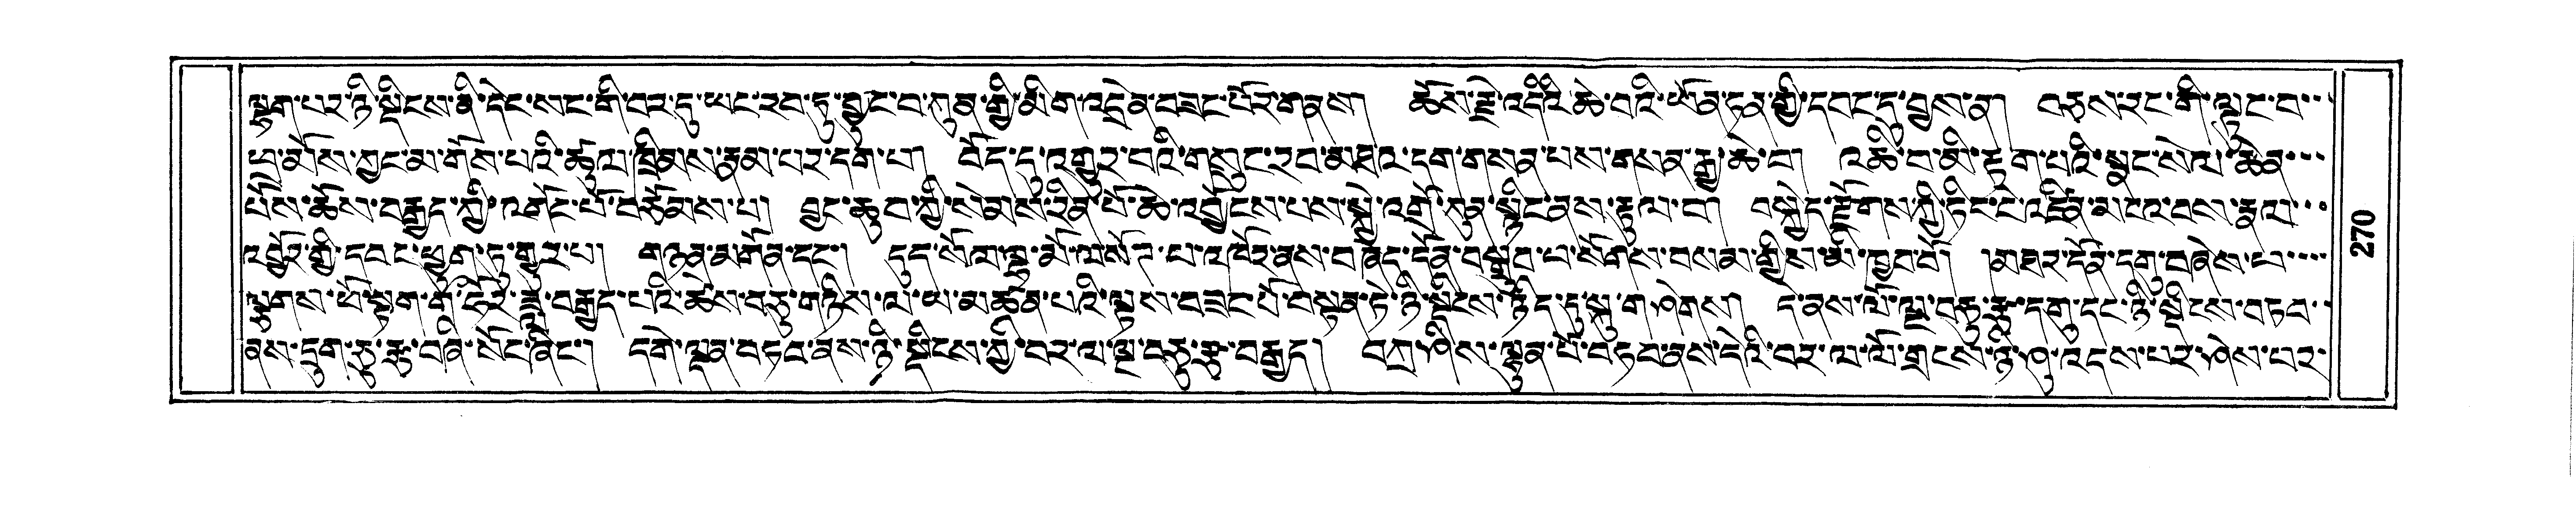ལྷག་པར་ཉི་སྡིངས་ནི་དེང་སང་གི་བར་དུ་ཡང་རབ་ཏུ་བྱུང་བ་ཀུན་གྱི་མིག་འདྲེན་བཟང་པོར་གནས། ཆོས་རྗེ་འདིའི་ཆེ་བའི་ཡོན་ཏན་གྱི་དབང་དུ་བྱས་ན། བཅས་རང་གི་ལྟུང་བ་
ཕྲ་མོས་ཀྱང་མ་གོས་པའི་ཚུལ་ཁྲིམས་རྣམ་པར་དག་པ། བོད་དུ་འགྱུར་བའི་གསུང་རབ་མཐའ་དག་གསན་པས་གསན་རྒྱ་ཆེ་བ། འཆི་བ་མི་རྟག་པའི་སྣང་སེལ་ཆེན་
པོས་ཆོས་བརྒྱད་ཀྱི་འགོང་པོ་བཅོམས་པ། བྱང་ཆུབ་ཀྱི་སེམས་རིན་པོ་ཆེ་འབྱོངས་པས་སྐྱེ་འགྲོ་ཀུན་སྙིང་ནས་རྟུལ་བ། བསྐྱེད་རྫོགས་ཀྱི་ཏིང་ངེ་འཛིན་མངའ་བས་རྣལ་
འབྱོར་གྱི་དབང་ཕྱུག་ཏུ་གྱུར་པ། གཉན་མགོན་དང་། དུད་སོལ་ལྷ་མོ་ལ་སོཌ་པ་འཁོར་ནས་བཞེད་དོན་བསྒྲུབ་པ་སོགས་བསམ་གྱིས་མི་ཁྱབ་བོ། །མཐར་དོན་དགུ་བཞེས་པ་
ལྕགས་ཕོ་སྟག་གྀ་ཧོར་ཟླ་བརྒྱད་པའི་ཚེས་བཅུ་གཉིས་ལ་ཡ་མཚན་པའི་ལྟས་བཟང་པོ་བསྟན་ཏེ་ཉི་སྡིངས་ཉིད་དུ་སྐུ་གཤེགས། དེ་ནས་ལོ་ལྔ་བཅུ་རྩ་དགུ་དང་ཉི་སྡིངས་བཏབ་
ནས་དྲུག་ཅུ་རྩ་བཞི་སོང་ཞིང་། དགེ་ལྡན་བཏབ་ནས་ཉི་སྡིངས་ཀྱི་བར་ལ་ལྔ་བཅུ་རྩ་བརྒྱད། བཀྲ་ཤིས་ལྷུན་པོ་བཏབ་ནས་དེའི་བར་ལ་ལོ་གྲངས་ཉི་ཤུ་འདས་པར་ཤེས་པར་